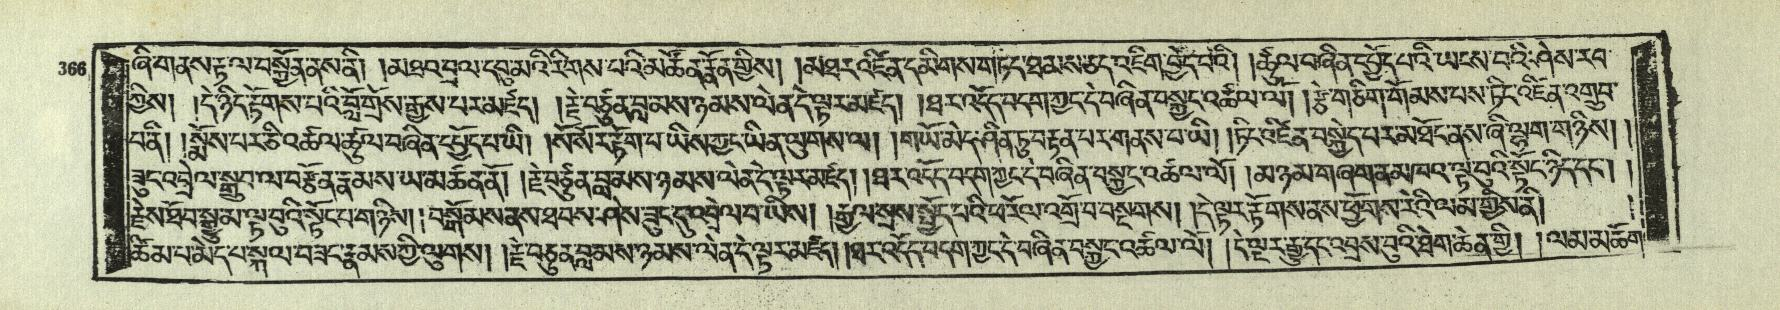ཞི་གནས་རྟ་ལ་བསྐྱོན་ནས་ནི། །མཐའ་བྲལ་དབུ་མའི་རིགས་པའི་མཚོན་རྣོན་གྱིས། །མཐར་འཛིན་དམིགས་གཏད་ཐམས་ཅད་འཇིག་བྱེད་པའི། །ཚུལ་བཞིན་དཔྱོད་པའི་ཡངས་བའི་ཤེས་རབ་
ཀྱིས། །དེ་ཉིད་རྟོགས་པའི་བློ་གྲོས་རྒྱས་པར་མཛད། །རྗེ་བཙུན་བླ་མས་ཉམས་ལེན་དེ་ལྟར་མཛད། །ཐར་འདོད་བདག་ཀྱང་དེ་བཞིན་བསྐྱང་འཚལ་ལོ། །རྩེ་གཅིག་གོམས་པས་ཏིང་འཛིན་འགྲུབ་
པ་ནི། །སྨོས་པར་ཅི་འཚལ་ཚུལ་བཞིན་དཔྱོད་པ་ཡི། །སོ་སོར་རྟོག་པ་ཡིས་ཀྱང་ཡིན་ལུགས་ལ། །གཡོ་མེད་ཤིན་ཏུ་བརྟན་པར་གནས་པ་ཡི། །ཏིང་འཛིན་བསྐྱེད་པར་མཐོང་ནས་ཞི་ལྷག་གཉིས། །
ཟུང་འབྲེལ་སྒྲུབ་ལ་བརྩོན་རྣམས་ཡ་མཚན་ནོ། །རྗེ་བཙུན་བླ་མས་ཉམས་ལེན་དེ་ལྟར་མཛད། །ཐར་འདོད་བདག་ཀྱང་དེ་བཞིན་བསྐྱང་འཚལ་ལོ། །མཉམ་གཞག་ན་མཁའ་ལྟ་བུའི་སྟོང་ཉིད་དང་། །
རྗེས་ཐོབ་སྒྱུ་མ་ལྟ་བུའི་སྟོང་པ་གཉིས། །བསྒོམས་ནས་ཐབས་ཤེས་ཟུང་དུ་འབྲེལ་བ་ཡིས། །རྒྱལ་སྲས་སྤྱོད་པའི་ཕ་རོལ་འགྲོ་བ་བསྔགས། །དེ་ལྟར་རྟོགས་ནས་ཕྱོགས་རེའི་ལམ་གྱིས་ནི། །
ཚིམ་པ་མེད་པ་སྐལ་བཟང་རྣམས་ཀྱི་ལུགས། །རྗེ་བཙུན་བླ་མས་ཉམས་ལེན་དེ་ལྟར་མཛད། །ཐར་འདོད་བདག་ཀྱང་དེ་བཞིན་བསྐྱང་འཚལ་ལོ། །དེ་ལྔར་རྒྱུ་དང་འབྲས་བུའི་ཐེག་ཆེན་གྱི། །ལམ་མཆོག་